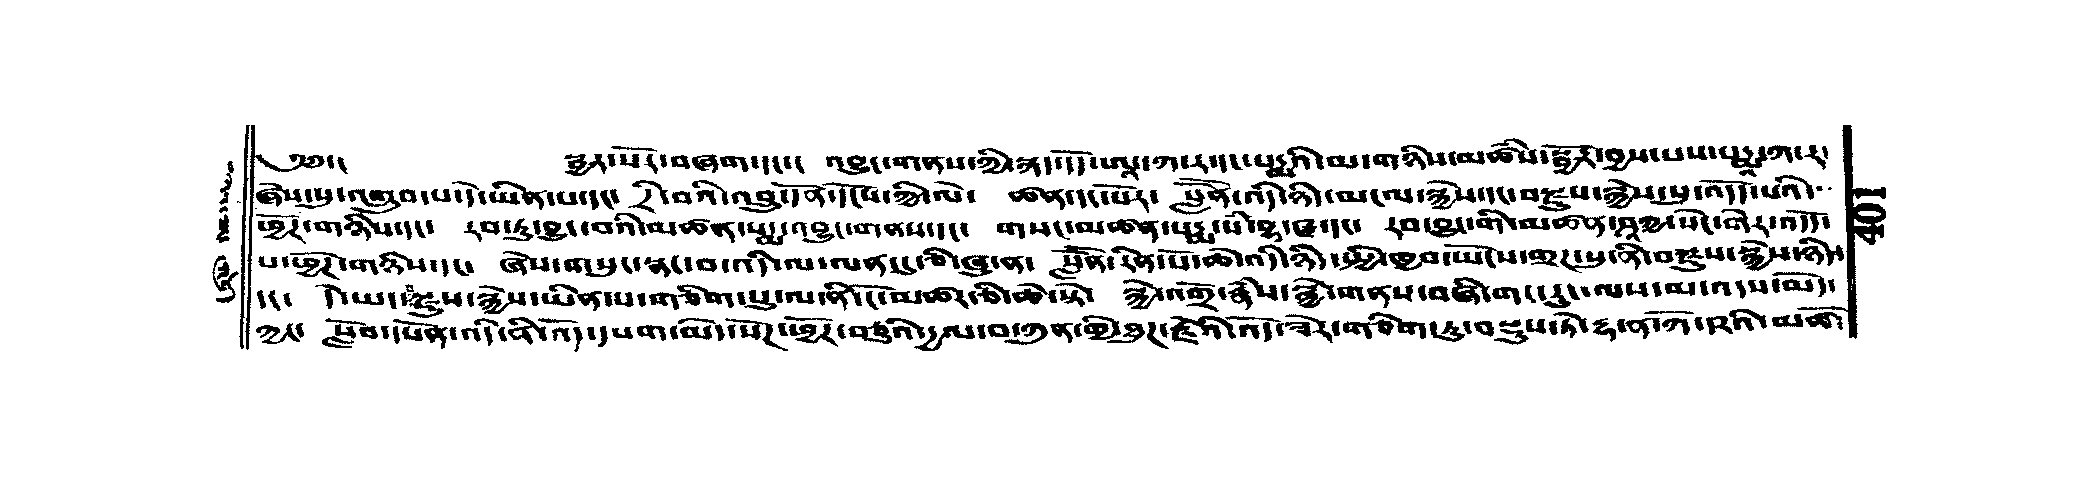སྦྱར་སོར་བཞག་དང་། འབྱུང་གནས་ཀྱི་སྐད་དོད་ཨཱ་ཀ་ར་དང་པདྨའི་མ་གཉིས་མཚམས་སྦྱོར་བྱས་པས་པདྨ་ཀ་ར་
ཞེས་སུ་འགྲུབ་པ་དེ་ཡིན་པ་དང་། དྲི་བའི་འབྲུ་དོན་དངོས་ཀྱི་ལེ་ཚན་དང་པོར། སློབ་དཔོན་འདི་ཉིད་མངལ་སྐྱེས་དང་བརྫུས་སྐྱེས་སུ་འདོད་པའི་
ཕྱོགས་གཉིས་དང་། རབ་ཏུ་བྱུང་བའི་མཚན་པདྨ་འབྱུང་གནས་དང་། །གསང་མཚན་པདྨ་སམ་བྷ་ཝ་དང་། རབ་བྱུང་གི་མཚན་ཤཱཀྱ་སེང་གེར་འདོད་
པ་ཕྱོགས་གཉིས་དང་། ཞེས་གསུངས་སྣང་བ་འདི་ལ་ལན་དུ་ཅི་ཞུ་ན། སློབ་དཔོན་རིན་པོ་ཆེ་འདི་ཉིད་སྤྱི་ཁྱབ་ཡོངས་གྲགས་སུ་ནི་བརྫུས་སྐྱེས་ཉིད་
དང་། དེ་ཡང་བརྫུས་སྐྱེས་ཡིན་པ་གཅིག་པུ་ལ་ནི་ངོ་མཚར་ཅི་ཆེ་སྟེ། སྐྱེ་འགྲོ་རྣམས་སྐྱེ་གནས་བཞི་གང་རུང་ལས་མ་འདས་མོད་
ཀྱང་། སློབ་དཔོན་འདི་ནི་འོད་དཔག་མེད་སོགས་ཕྱོགས་བཅུའི་རྒྱལ་བ་ཀུན་གྱི་ཐུགས་རྗེའི་འོད་ཟེར་གཅིག་ཏུ་བསྡུས་ཏེ་དྷ་ན་ཀོ་རའི་མཚོ་